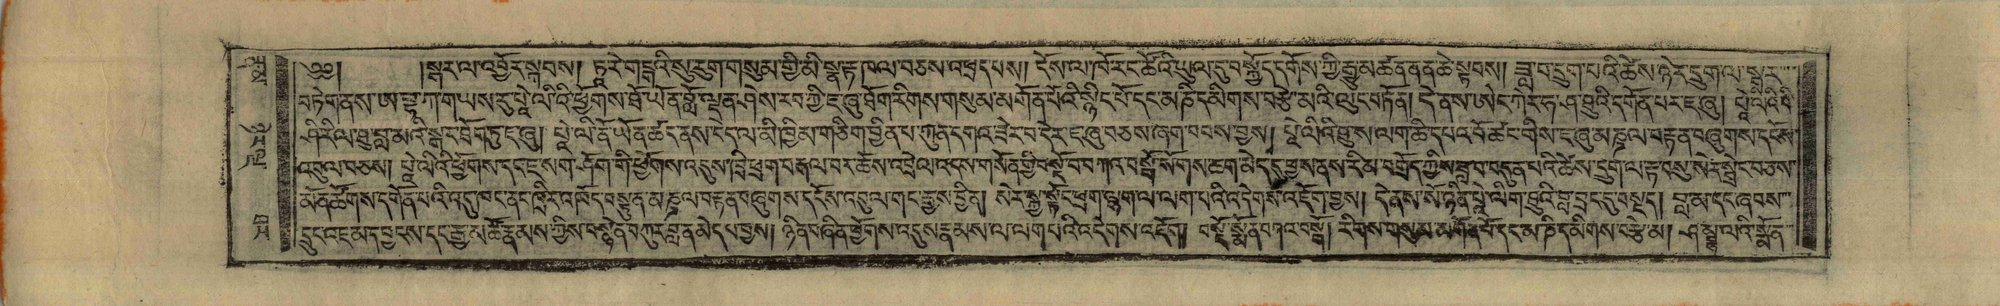༄༅། །སྒར་ལ་འབྱོར་སྐབས། ཏཱ་རེ་གངྒའི་སུ་རུག་གསུམ་གྱི་མི་སྣ་རྟ་ཁལ་བཅས་འཕྲད་པས། ངོས་ལ་ཁོ་རང་ཚོའི་ཡུལ་དུ་བསྐྱོད་དགོས་ཀྱི་རྒྱུ་མཚན་ནན་ཆེ་སྟབས། ཟླ་བ་དྲུག་པའི་ཚེས་ཉེར་དྲུག་ལ་སྒར་
བཏེག་ནས་ཨ་བྷ་ཀ་གཡས་རུ་པE་ལིའི་ཕྱོགས་ཐོ་ཡོན་བློ་ལྡན་ཤེས་རབ་ཀྱི་ཇ་ཞུ་ཐོག་རིགས་གསུམ་མགོན་པོའི་སྙིང་པོ་དང་མ་ཎི་དམིགས་བརྩེ་མའི་ལུང་བཏོན། དེ་ནས་ཨེང་ཀེར་ཧ་ཤ་ཐུའི་དགོན་པར་ཇ་ཞུ། པE་ལིའི་བི་
ཤི་རིལ་ཐུ་བླ་མའི་སྒར་ཐོག་ཏུ་ཇ་ཞུ། པE་ལི་ནོ་ཡོན་ཚང་ནས་ངེད་ལ་མི་ཁྱིམ་གཅིག་བྱིན་པ་ཀུན་དགའ་ཟེར་བ་དེར་ཇ་ཞུ་བཅས་ཞག་བབས་བྱས། པE་ལིའི་ཐུ་ས་ལག་ཆི་དཔའ་བོ་ཚང་གིས་ཇ་ཞུ་མཎྜལ་བརྟན་བཞུགས་དངོས་
འབུལ་བཅས། པE་ལིའི་ཕྱོགས་དང་ཇ་སག་ཤོག་གི་ཕྱོགས་འདུས་ཁྲི་ཕྲག་བརྒལ་བར་ཆོས་འབྲེལ་འདས་གསོན་གྱི་བསྔོ་བ་བཀའ་བསྒོ་སོགས་ཆག་མེད་དུ་བྱས་ནས་རིམ་བགྲོད་ཀྱིས་ཟླ་བ་བདུན་པའི་ཚེས་དྲུག་ལ་རྟ་བསུ་སེར་སྦྲེང་བཅས་
མོན་ཚོགས་དགོན་པའི་འདུ་ཁང་ནང་ཁྲིར་འཁོད་བསྟུན་མཎྜལ་བརྟན་བཞུགས་དངོས་འབུལ་གང་རྒྱས་བྱིན། སེར་སྐྱ་སྟོང་ཕྲག་ལྷག་ལ་ལག་པའི་འདེགས་འཇོག་བྱས། དེ་ནས་སོ་ཉིན་པE་ལིག་ཐུའི་བླ་བྲང་དུ་བསྡད། བླ་མ་དང་ཞབས་
དྲུང་འཇམ་དབྱངས་དང་རྒྱ་མཚོ་རྣམས་གྱིས་བསྙེན་བཀུར་བླ་ན་མེད་པ་བྱས། ཉིན་བཞིན་ཕྱོགས་འདུས་རྣམས་ལ་ལག་པའི་འདེགས་འཇོག །བསྔོ་སྨོན་བཀའ་བསྒོ། རིགས་གསུམ་མགོན་པོ་དང་མ་ཎི་དམིགས་བརྩེ་མ། ཤམྦྷ་ལའི་སྨོན་